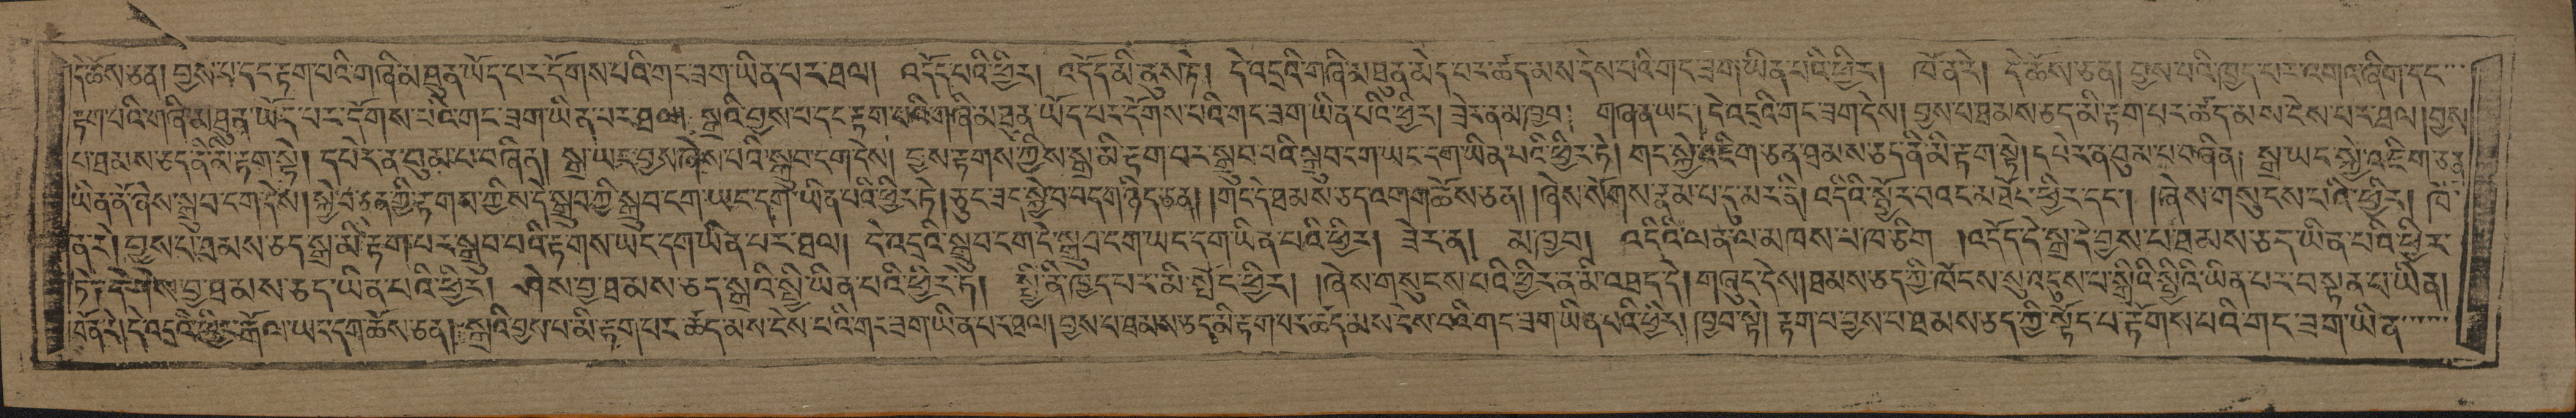དེ་ཆོས་ཅན། བྱས་པ་དང་རྟག་པའི་གཞི་མཐུན་ཡོད་པར་དོགས་པའི་གང་ཟག་ཡིན་པར་ཐལ། འདོད་པའི་ཕྱིར། འདོད་མི་ནུས་ཏེ། དེ་འདྲའི་གཞི་མཐུན་མེད་པར་ཚད་མས་ངེས་པའི་གང་ཟག་ཡིན་པའི་ཕྱིར། ཁོ་ན་རེ། དེ་ཆོས་ཅན། བྱས་པའི་ཁྱད་པར་འགའ་ཞིག་དང་
རྟག་པའི་གཞི་མཐུན་ཡོད་པར་དོགས་པའི་གང་ཟག་ཡིན་པར་ཐལ། སྒྲའི་བྱས་པ་དང་རྟག་པའི་གཞི་མཐུན་ཡོད་པར་དོགས་པའི་གང་ཟག་ཡིན་པའི་ཕྱིར། ཟེར་ན་མ་ཁྱབ། གཞན་ཡང་། དེ་འདྲའི་གང་ཟག་དེས། བྱས་པ་ཐམས་ཅད་མི་རྟག་པར་ཚད་མས་ངེས་པར་ཐལ། བྱས་
པ་ཐམས་ཅད་ནི་མི་རྟག་སྟེ། དཔེར་ན་བུམ་པ་བཞིན། སྒྲ་ཡང་བྱས་ཞེས་པའི་སྒྲུབ་ངག་དེས། བྱས་རྟགས་ཀྱིས་སྒྲ་མི་རྟག་པར་སྒྲུབ་པའི་སྒྲུབ་ངག་ཡང་དག་ཡིན་པའི་ཕྱིར་ཏེ། གང་སྐྱེ་འཇིག་ཅན་ཐམས་ཅད་ནི་མི་རྟག་སྟེ། དཔེར་ན་བུམ་པ་བཞིན། སྒྲ་ཡང་སྐྱེ་འཇིག་ཅན་
ཡིན་ནོ་ཞེས་སྒྲུབ་ངག་དེས། སྐྱེ་བ་ཅན་གྱི་རྟགས་ཀྱིས་དེ་སྒྲུབ་ཀྱི་སྒྲུབ་ངག་ཡང་དག་ཡིན་པའི་ཕྱིར་ཏེ། ཅུང་ཟད་སྐྱེ་བ་བདག་ཉིད་ཅན། །གང་དེ་ཐམས་ཅད་འགག་ཆོས་ཅན། །ཞེས་སོགས་རྣམ་པ་དུ་མར་ནི། འདིའི་སྦྱོར་བའང་མཐོང་ཕྱིར་དང་། །ཞེས་གསུངས་པའི་ཕྱིར། ཁོ་
ན་རེ། བྱས་པ་ཐམས་ཅད་སྒྲ་མི་རྟག་པར་སྒྲུབ་པའི་རྟགས་ཡང་དག་ཡིན་པར་ཐལ། དེ་འདྲའི་སྒྲུབ་ངག་དེ་སྒྲུབ་ངག་ཡང་དག་ཡིན་པའི་ཕྱིར། ཟེར་ན། མ་ཁྱབ། འདིའི་ལན་ལ་མཁས་པ་ཁ་ཅིག །འདོད་དེ་སྒྲ་དེ་བྱས་པ་ཐམས་ཅད་ཡིན་པའི་ཕྱིར་
ཏེ༑ དེ་ཤེས་བྱ་ཐམས་ཅད་ཡིན་པའི་ཕྱིར། ཤེས་བྱ་ཐམས་ཅད་སྒྲའི་སྤྱི་ཡིན་པའི་ཕྱིར་ཏེ། སྤྱི་ནི་ཁྱད་པར་མི་སྤོང་ཕྱིར། །ཞེས་གསུངས་པའི་ཕྱིར་ན་མི་འཐད་དེ། གཞུང་དེས། ཐམས་ཅད་ཀྱི་ཁོངས་སུ་འདུས་པ་སྒྲིའི་སྤྱིའི་ཡིན་པར་བསྟན་པ་ཡིན།
བོ་ན་རེ། དེ་འདྲའི་ཕྱིར་རྒོལ་ཡང་དག་ཆོས་ཅན། སྒྲའི་བྱས་པ་མི་རྟག་པར་ཚད་མས་ངེས་པའི་གང་ཟག་ཡིན་པར་ཐལ། བྱས་པ་ཐམས་ཅད་མི་རྟག་པར་ཚད་མས་ངེས་པའི་གང་ཟག་ཡིན་པའི་ཕྱིར། ཁྱབ་སྟེ། རྟག་པ་བྱས་པ་ཐམས་ཅད་ཀྱི་སྟོང་པ་རྟོགས་པའི་གང་ཟག་ཡིན་